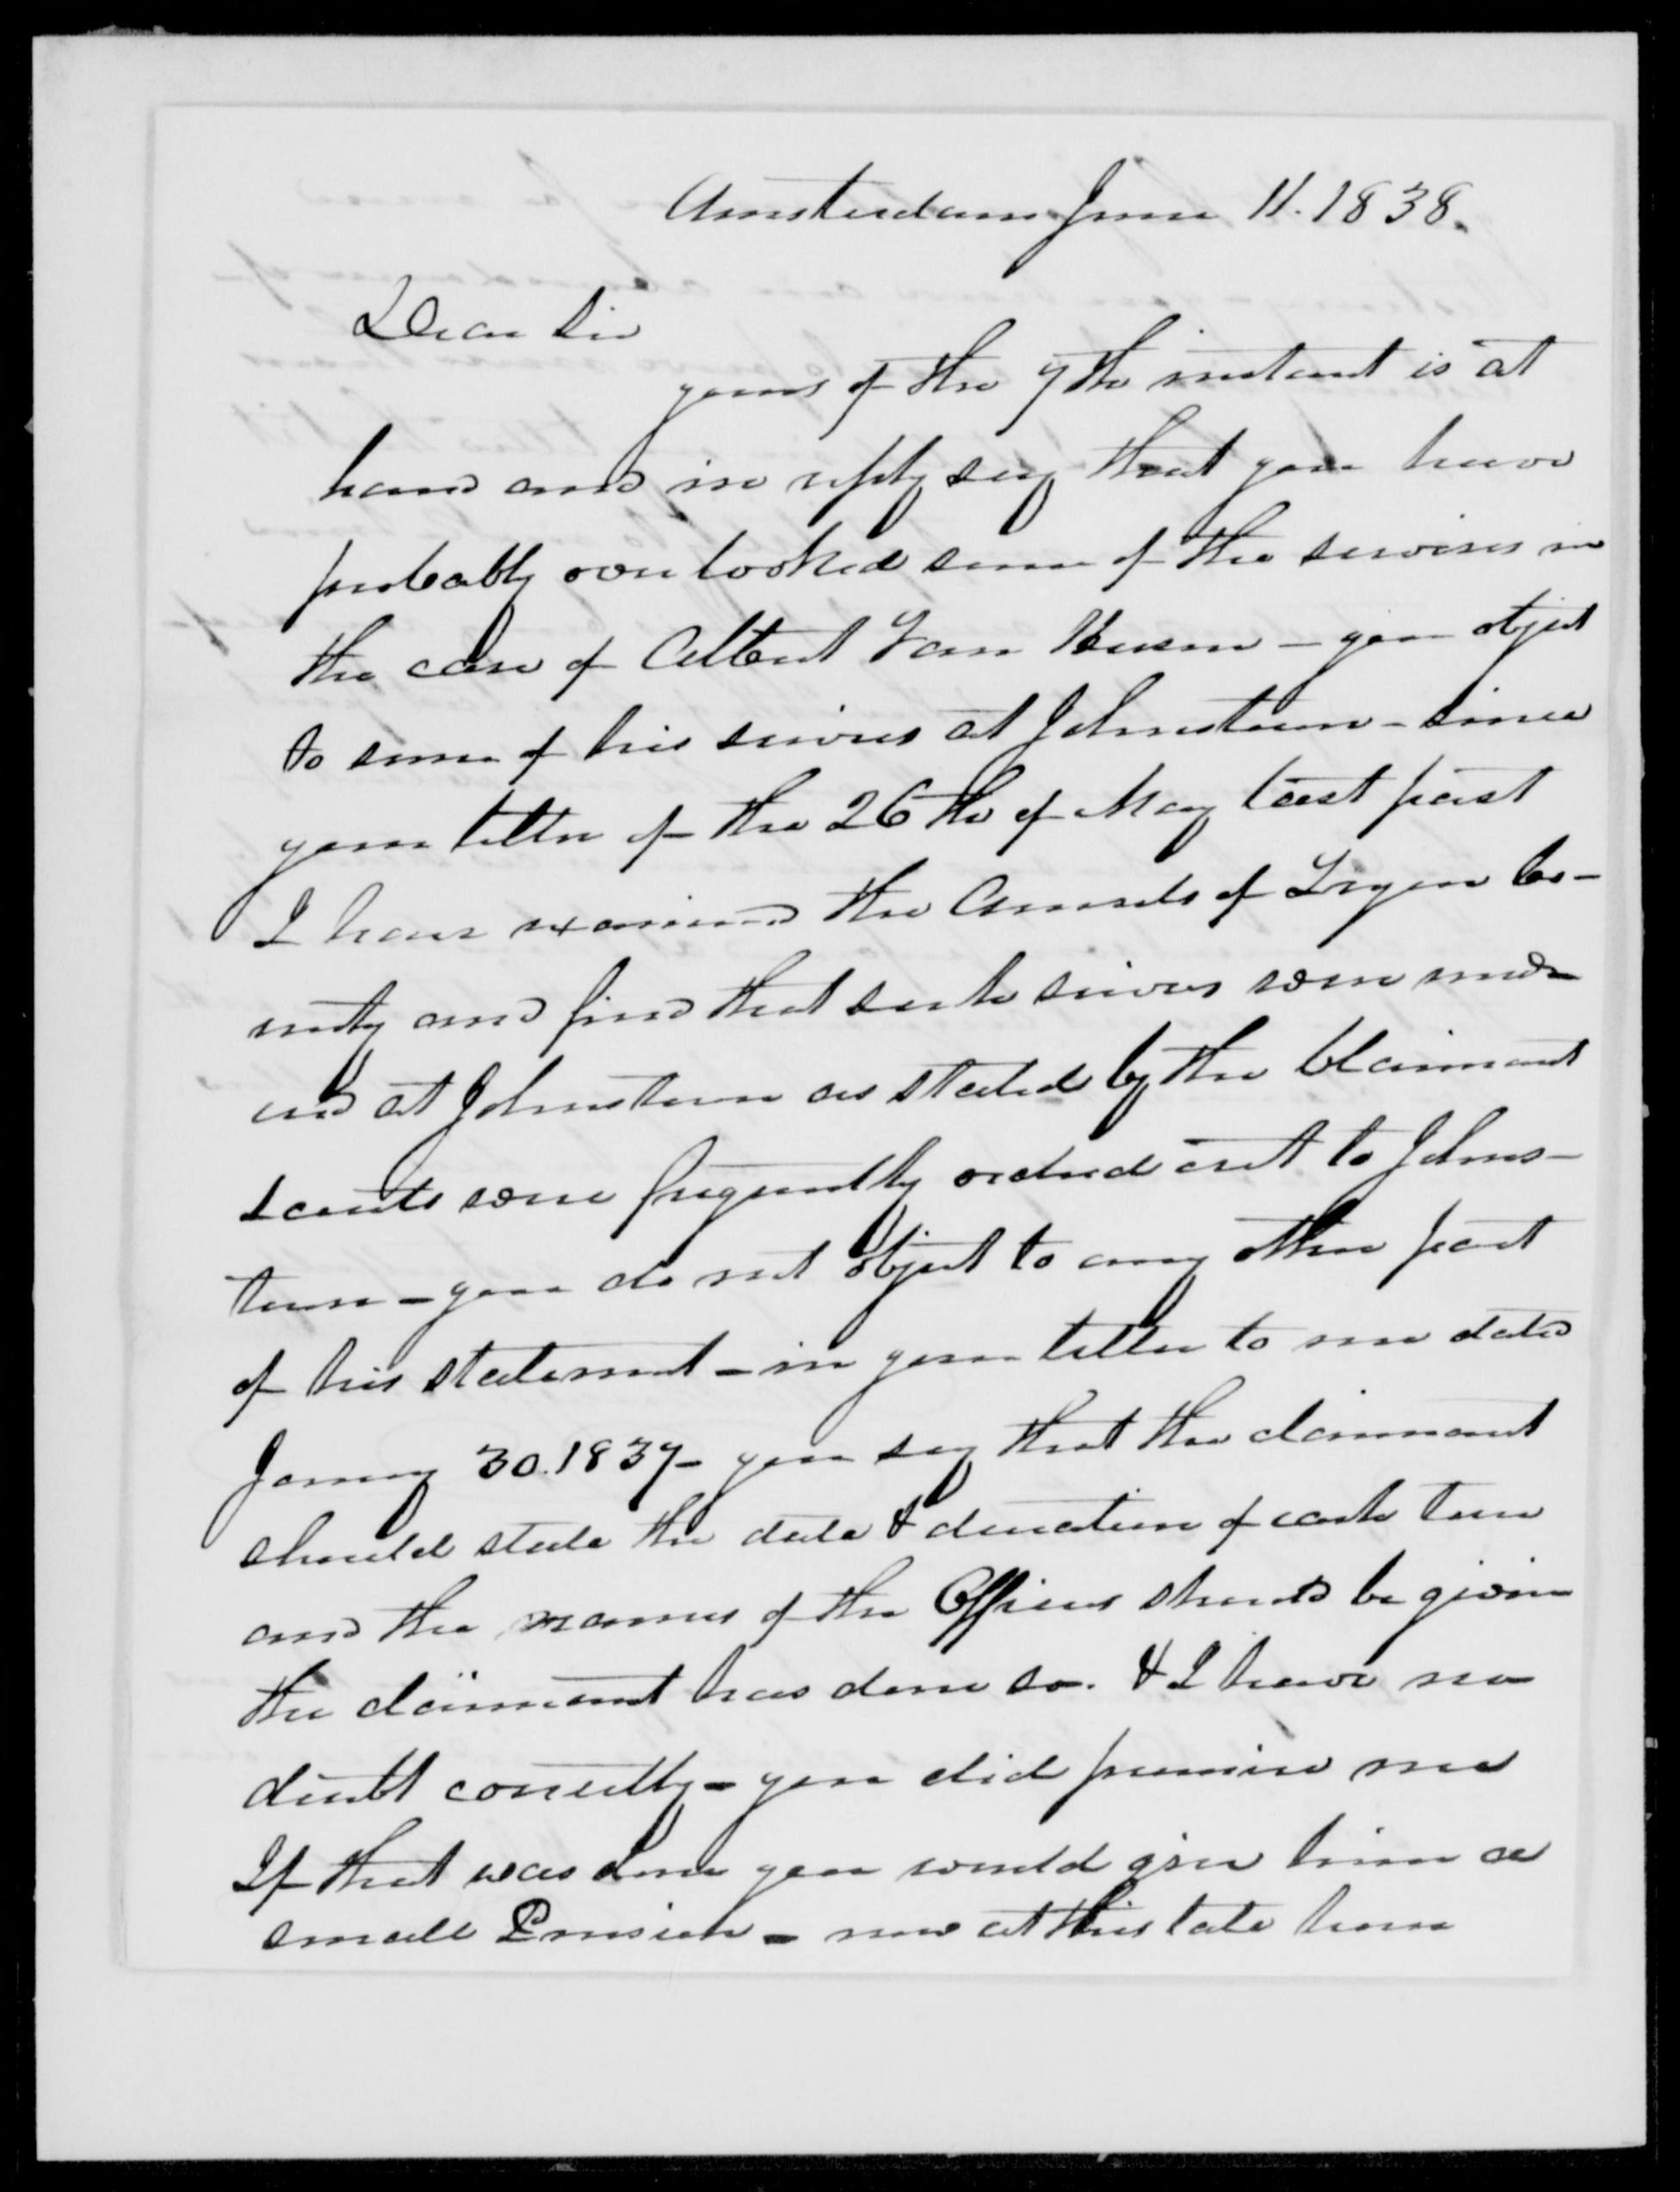Amsterdam June 1. 1838.
Dear Sir 
yours of the 7th instant is at hand and in reply say that you have probably overlooked some of the services in the case of Albert Van Husen - you object to some of his services at Johnstown - since your letter of the 26th of May last past I have examined the Annals of Tryon County and find that such services were made now at Johnstown as stated by the Claimant Scouts were frequently ordered out to Johnstown - you do not object to any other part of his statement in your letter to me dated January 30 1837 - you say that the claimant should state the date & duration of each term and the names of the Officers should be given the claimant has done so. & I have no doubt correctly - you did promise me If that was done you would give him a small Pension - now at this late hour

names: Albert Van Husen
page: 31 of 57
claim: survivor's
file: S. 28,925, Albert Van Housen, New York